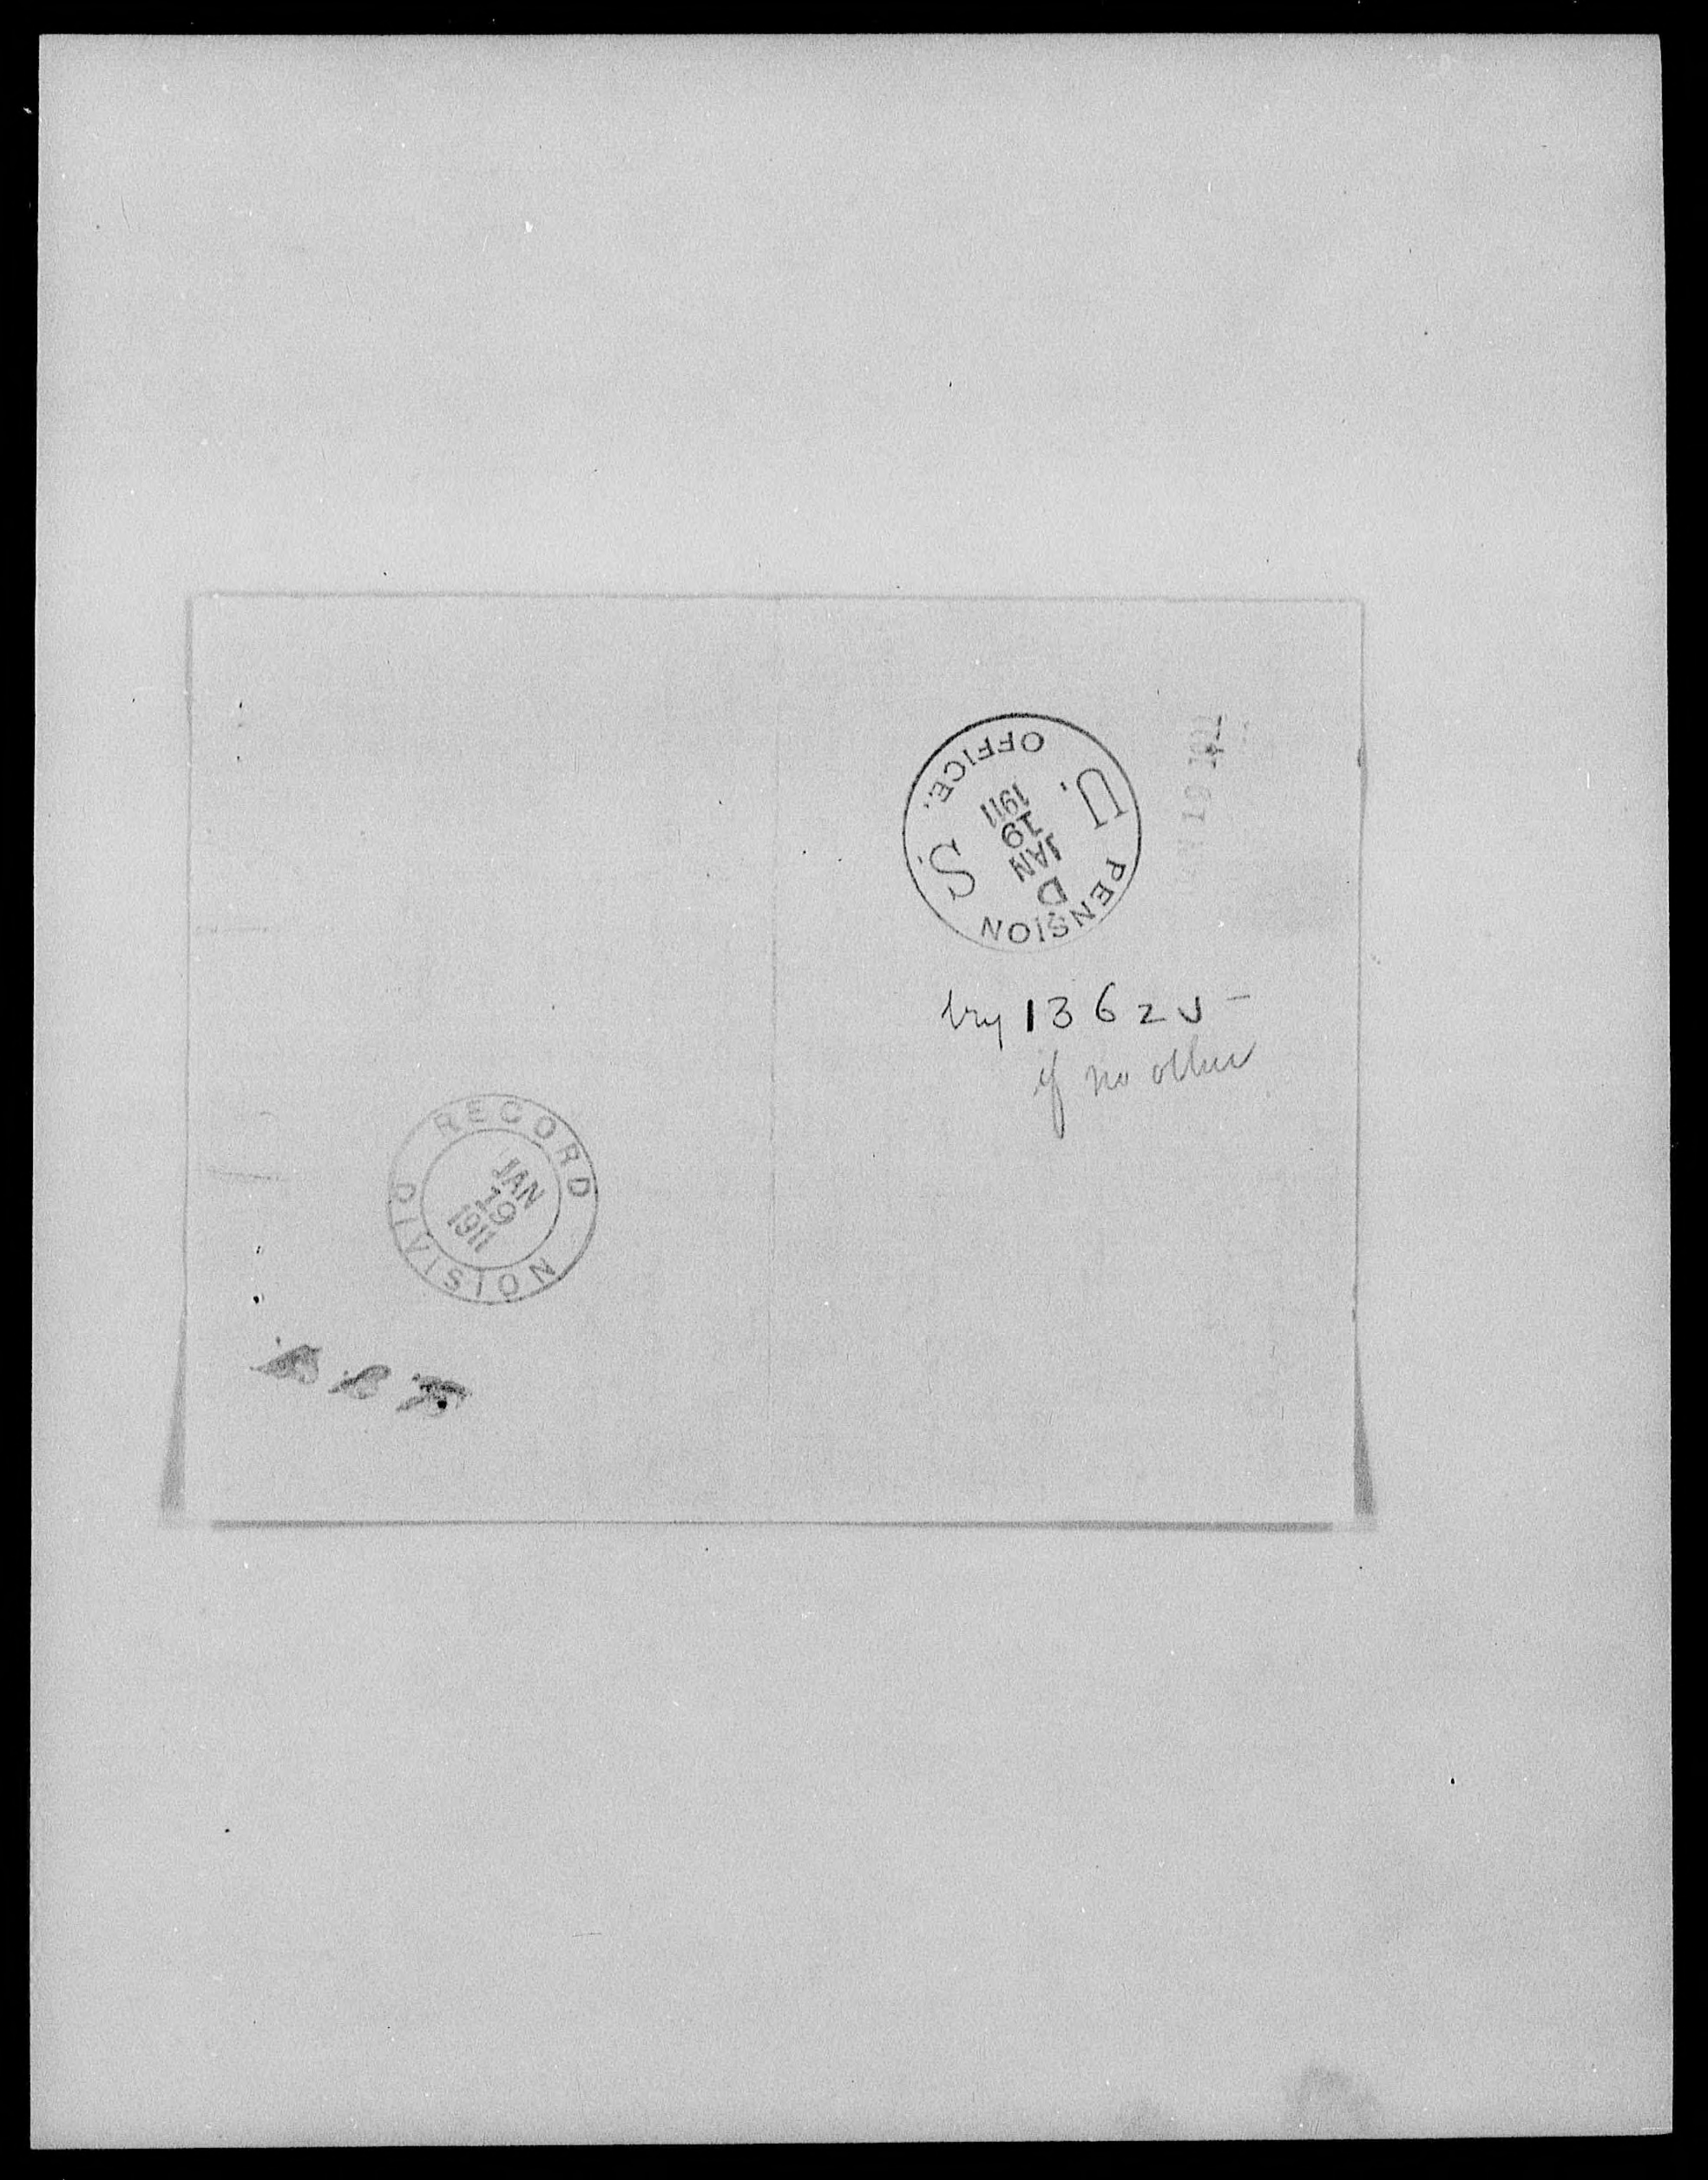[stamped] US Pension Office  Jan 19 1911

[stamped] Record Division  Jan 19 1911

try 13625 if no other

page: 23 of 26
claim: survivor's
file: S. 13,625, for Isaiah Keeler, New York